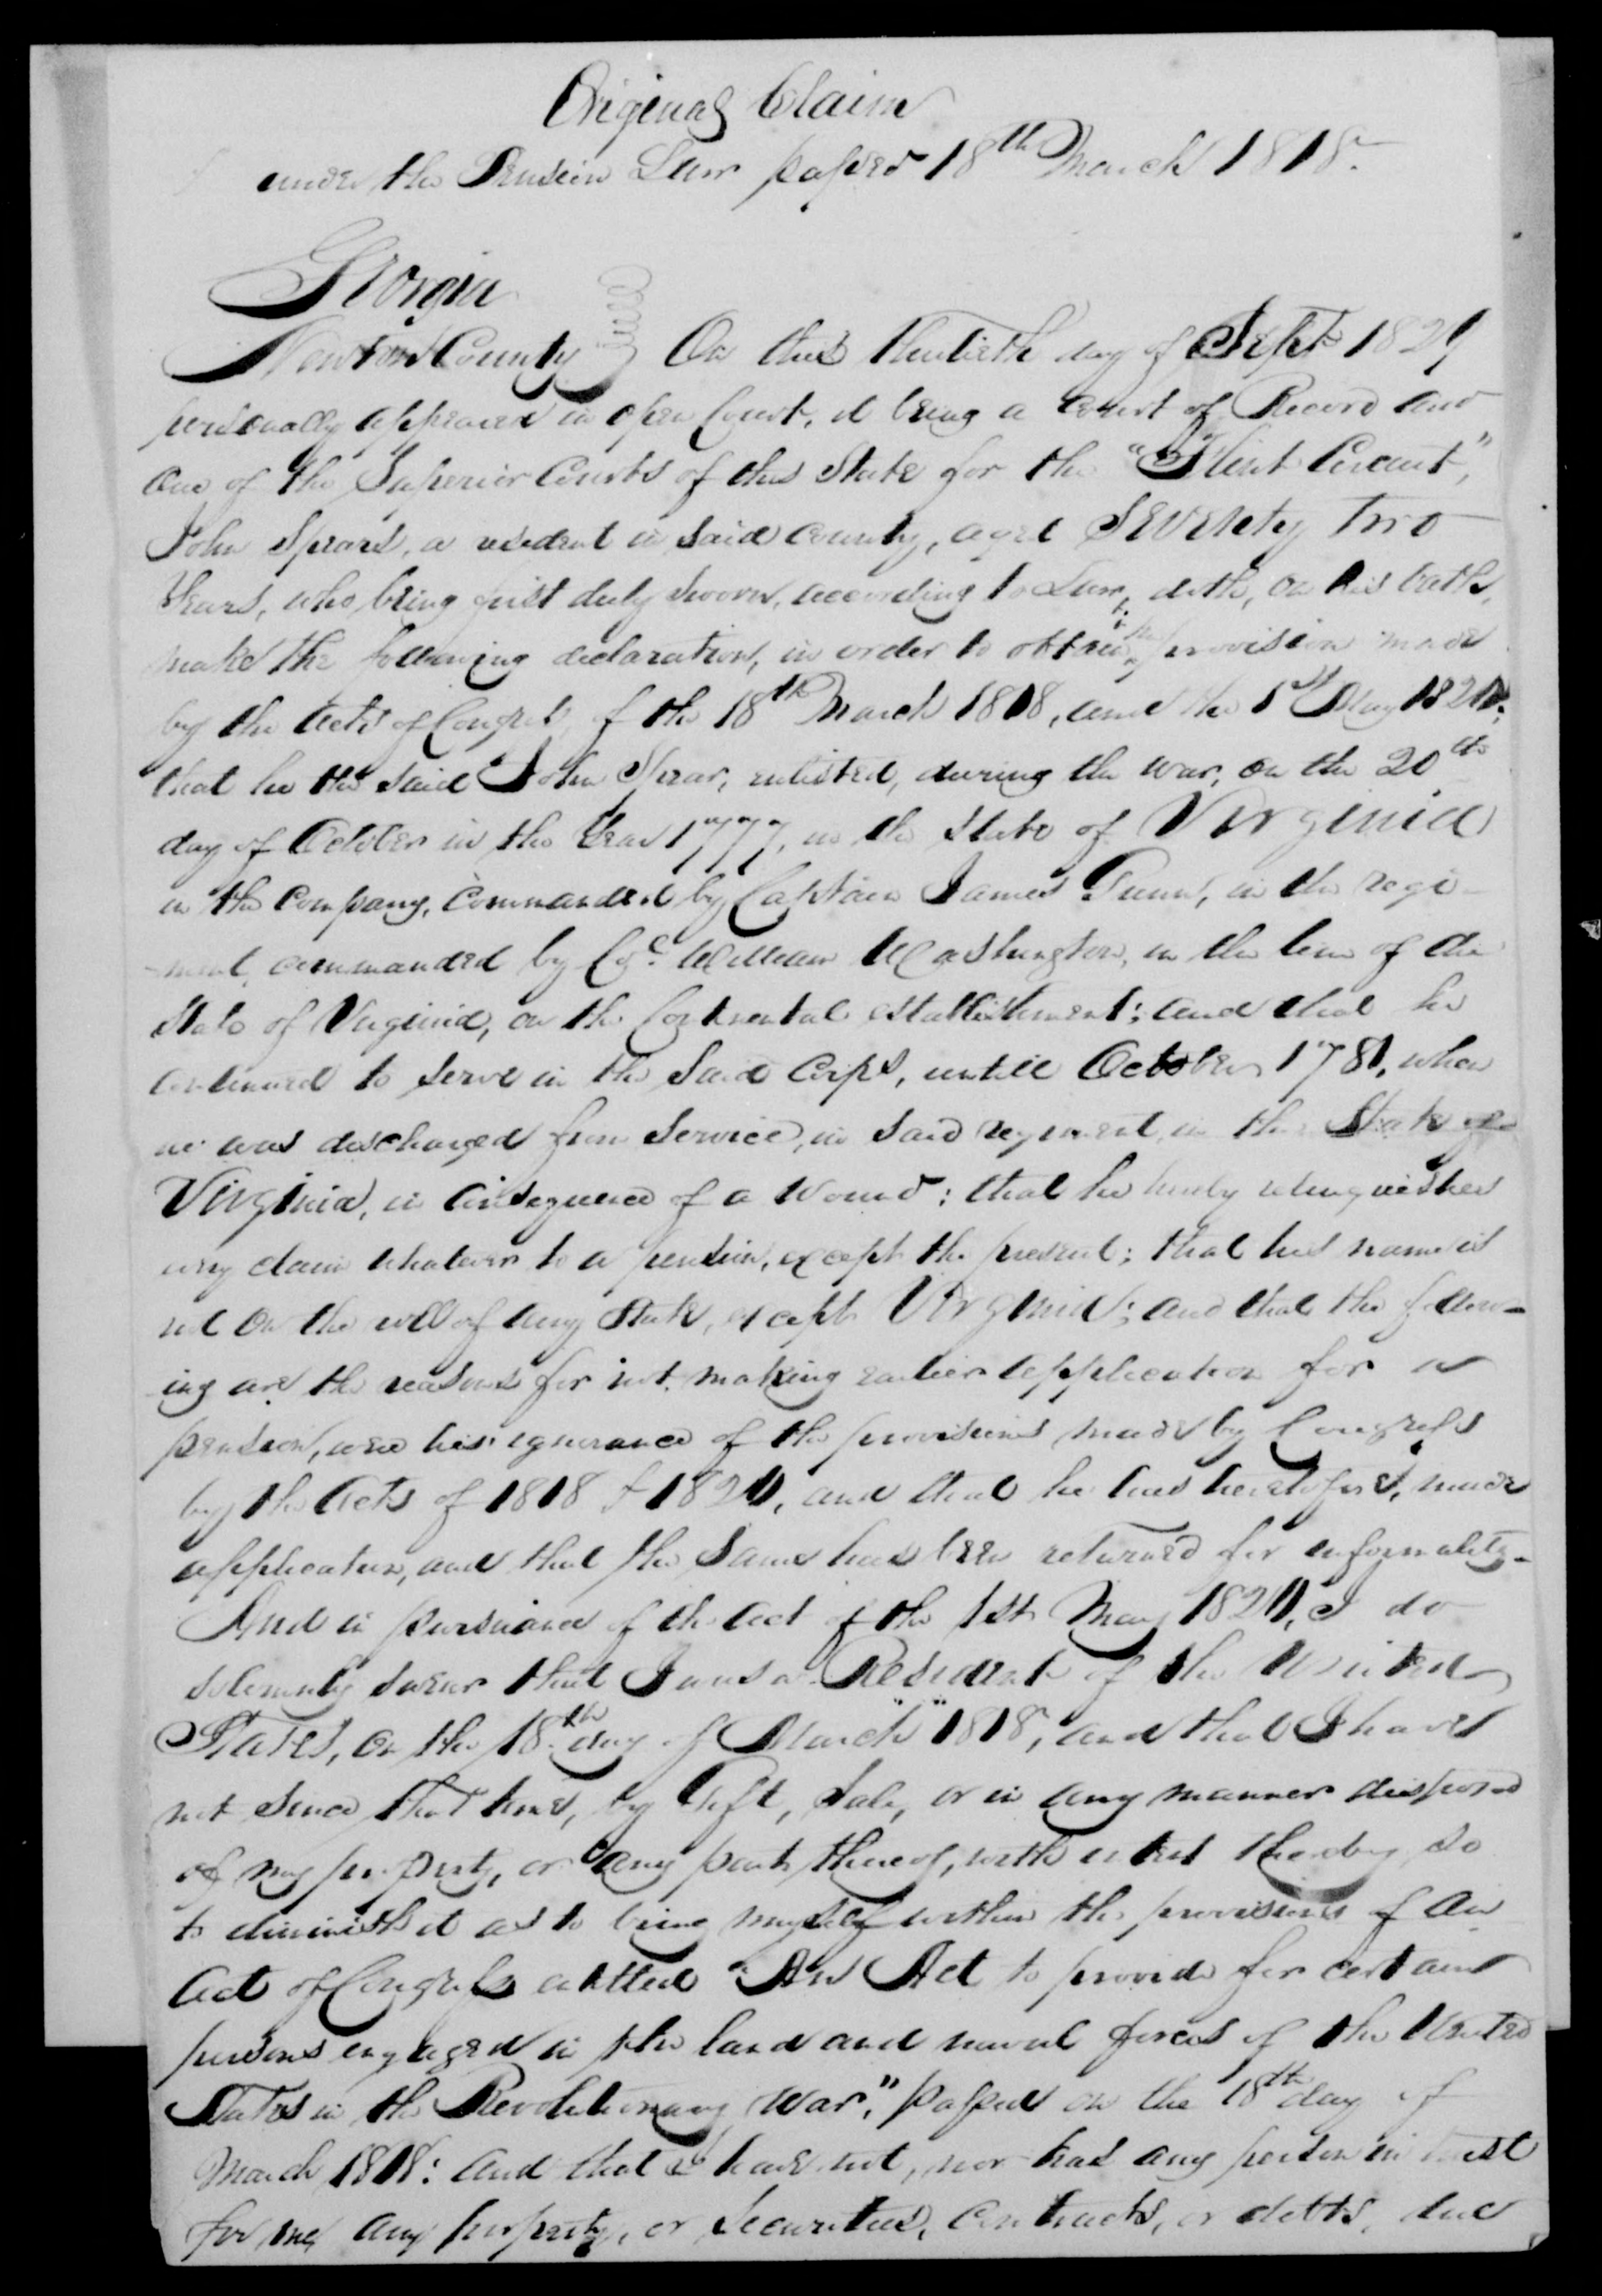Original Claim
under the Pension Law papers 18th March 1818.
Georgia
Newton County
On this thirtieth day of Sept 1812 personally appeared in open Court, it being a court of Record and One of the Superior Courts of this State for the "Flint Circuit," John Spears, a resident of said County, aged Seventy Two years, who being first duly sworn according to Law, doth, on his oath, make the following declaration, in order to obtain the provisions made by the Acts of Congress of the 18th March 1818, and the 1st May 1820

that he the said John Spears enlisted, during the war, on the 20th day of October of
the year 1777, in the State of Virginia in the company, commanded by Captain James Gunn in the regiment commanded by Col. William Washington, in the line of the State of Virginia, on the Continental establishment; and that he continued to Serve in the Said Corps, until October 1781, when he was discharged from Service, in Said regiment, in the State of Virginia, in Consequence of a wound:

that he hereby relinquishes every claim whatever to a pension, except the present; and that his name is not on the roll of any State, except Virginia; and that the following are the reasons for not making earlier application for a pension, were his ignorance of the provisions made by Congress by the Acts of 1818 & 1820, and that he has heretofore made application, and that the same had been returned for informality 

And in pursuance of the Act of the 1st May 1820, I do solemnly swear that I was a Resident of the United States, on the 18th day of March 1818, and that I have not since that time, by Gift, Sale, or in any manner disposed of my property, or any part thereof, with intent thereby so to diminish it as to bring myself within the provision of an Act of Congress entitled  "An Act to provide for certain persons engaged in the land and naval service of the United States in the Revolutionary War," passed on the 18th day of March 1818: And that I have not, nor had any person intrust for me any property, or Securities, Contracts, or debts due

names: John Spears; John Spear; William Washington; James Gunn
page: 6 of 12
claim: survivor's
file: S. 39851, for John Spears, Virginia